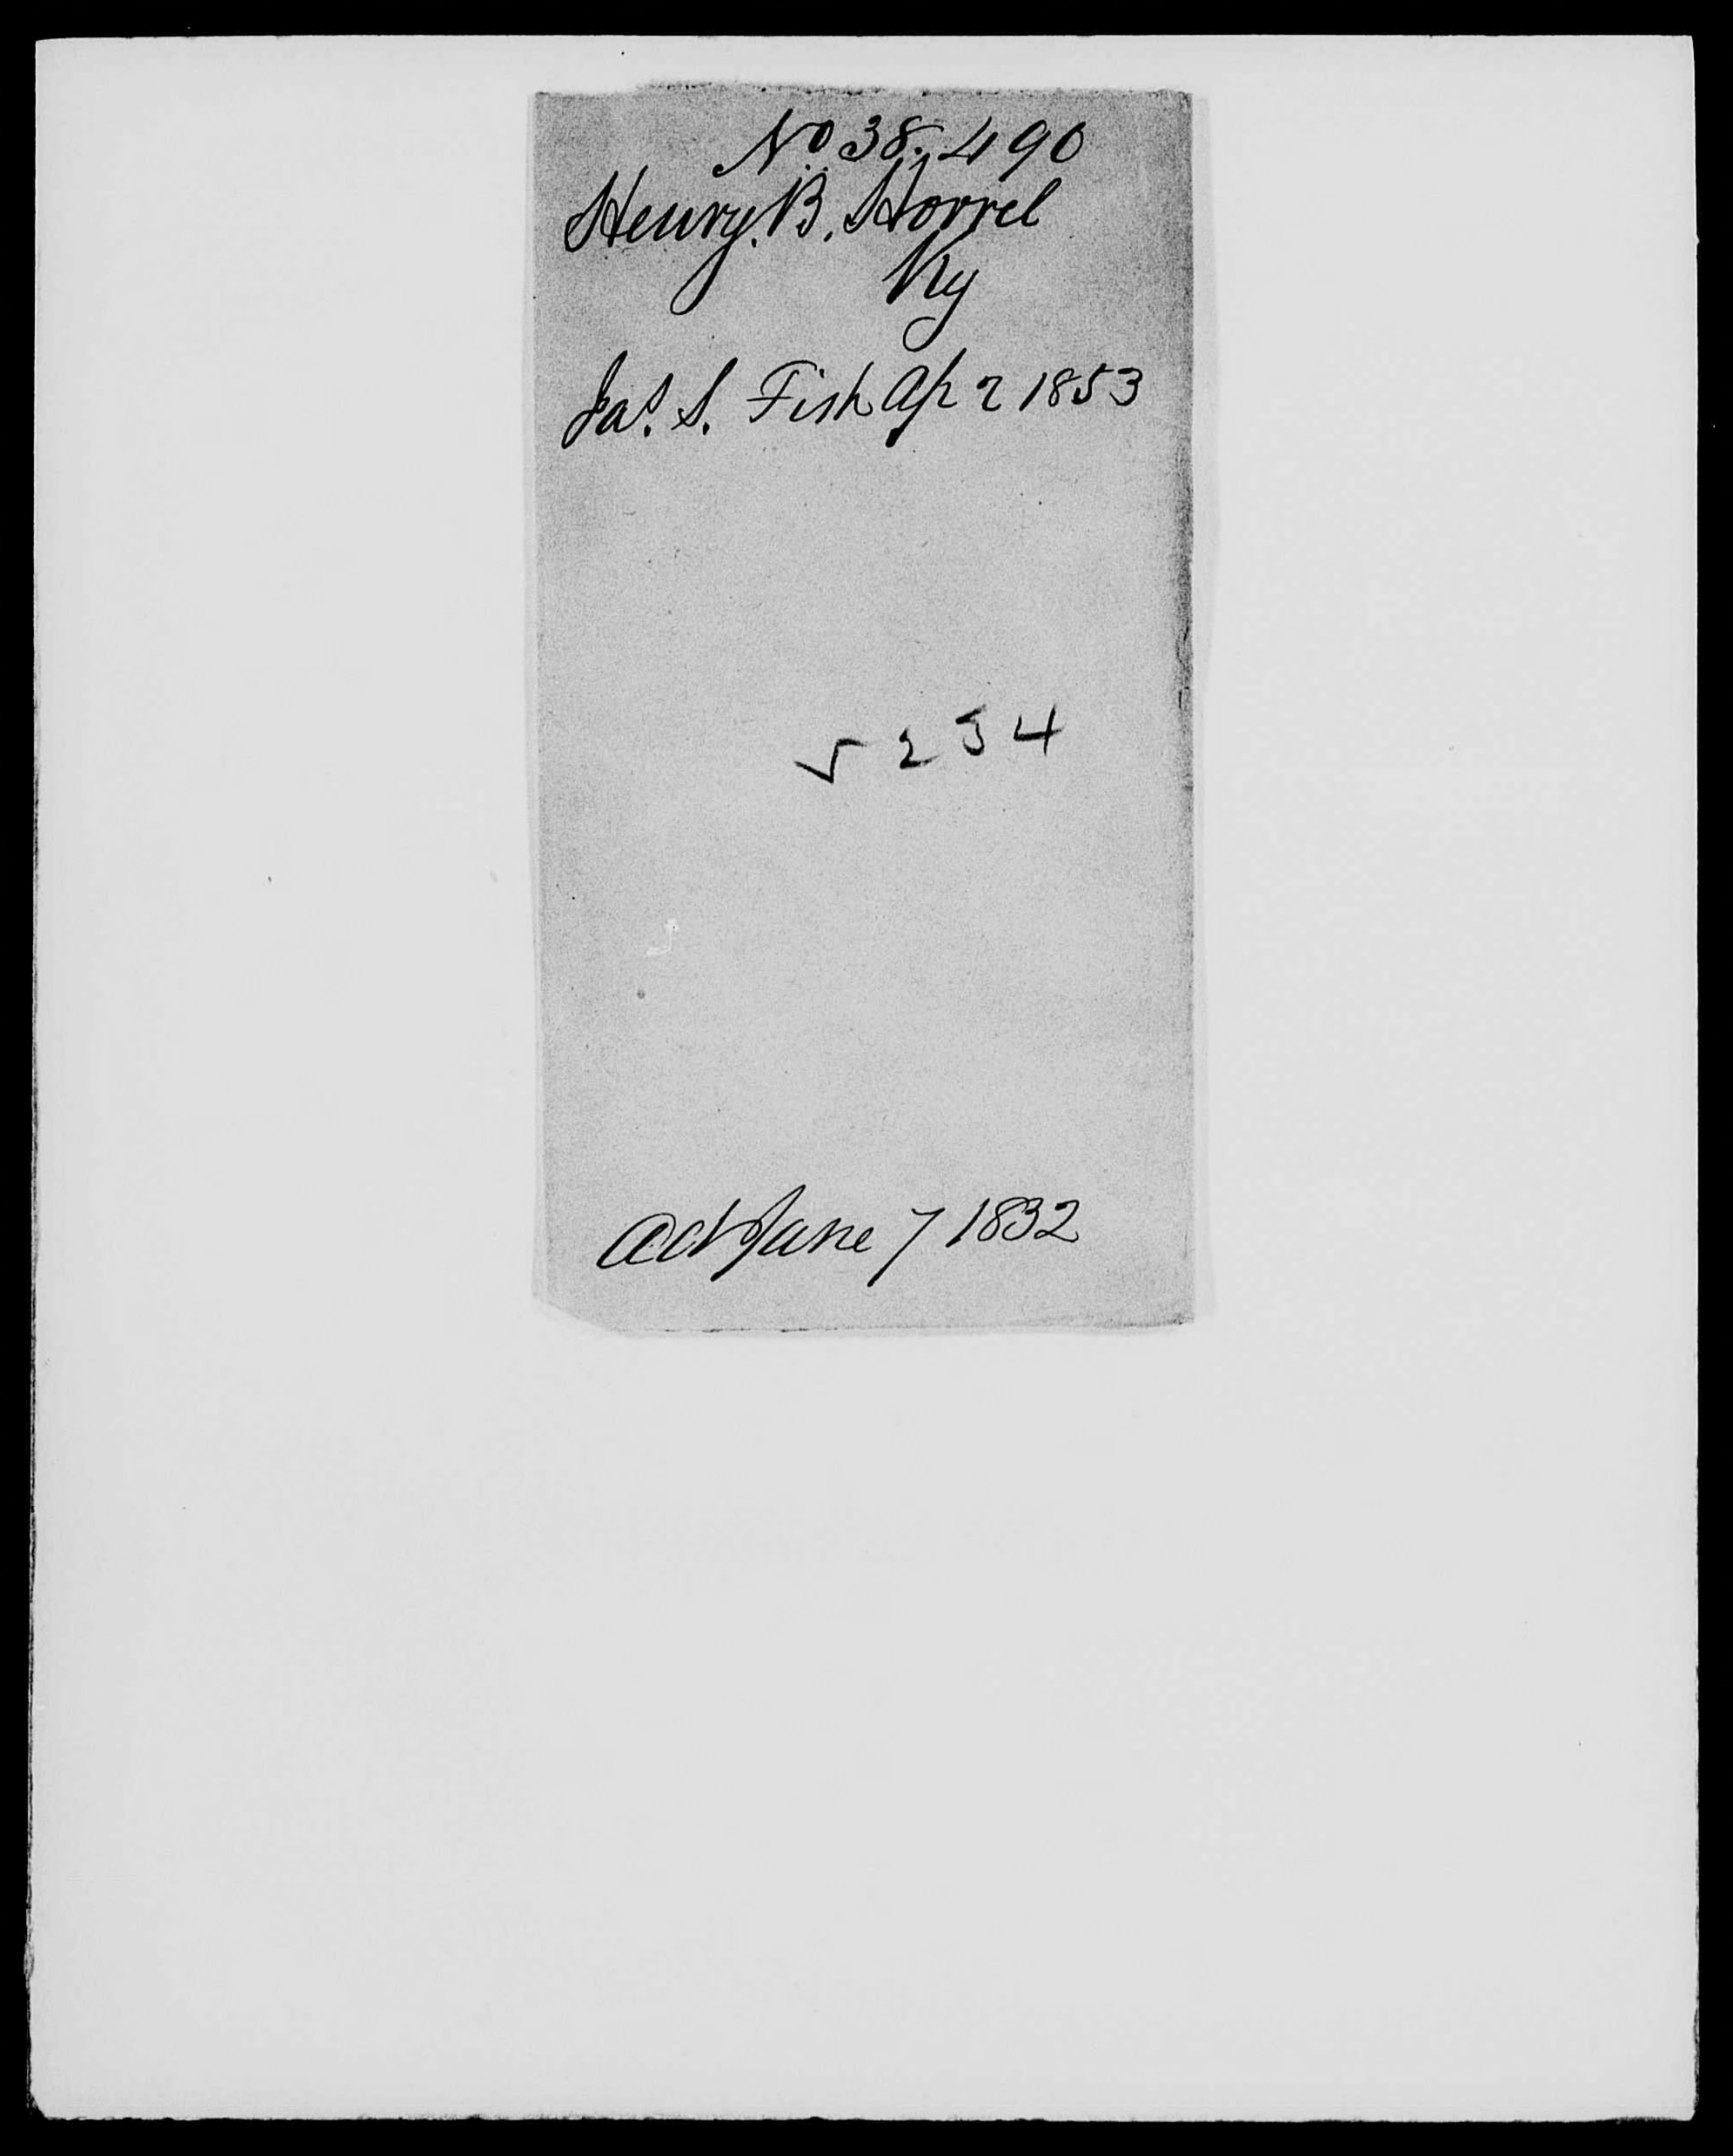No 38490
Henry B Horrell
Ky

Jas S Fish Apr 2, 1853

5234

Act June 7, 1832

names: Jas S Fish, Henry B Horrel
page: 13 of 15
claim: rejected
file: R. 5234, Henry B Horrell, Md.